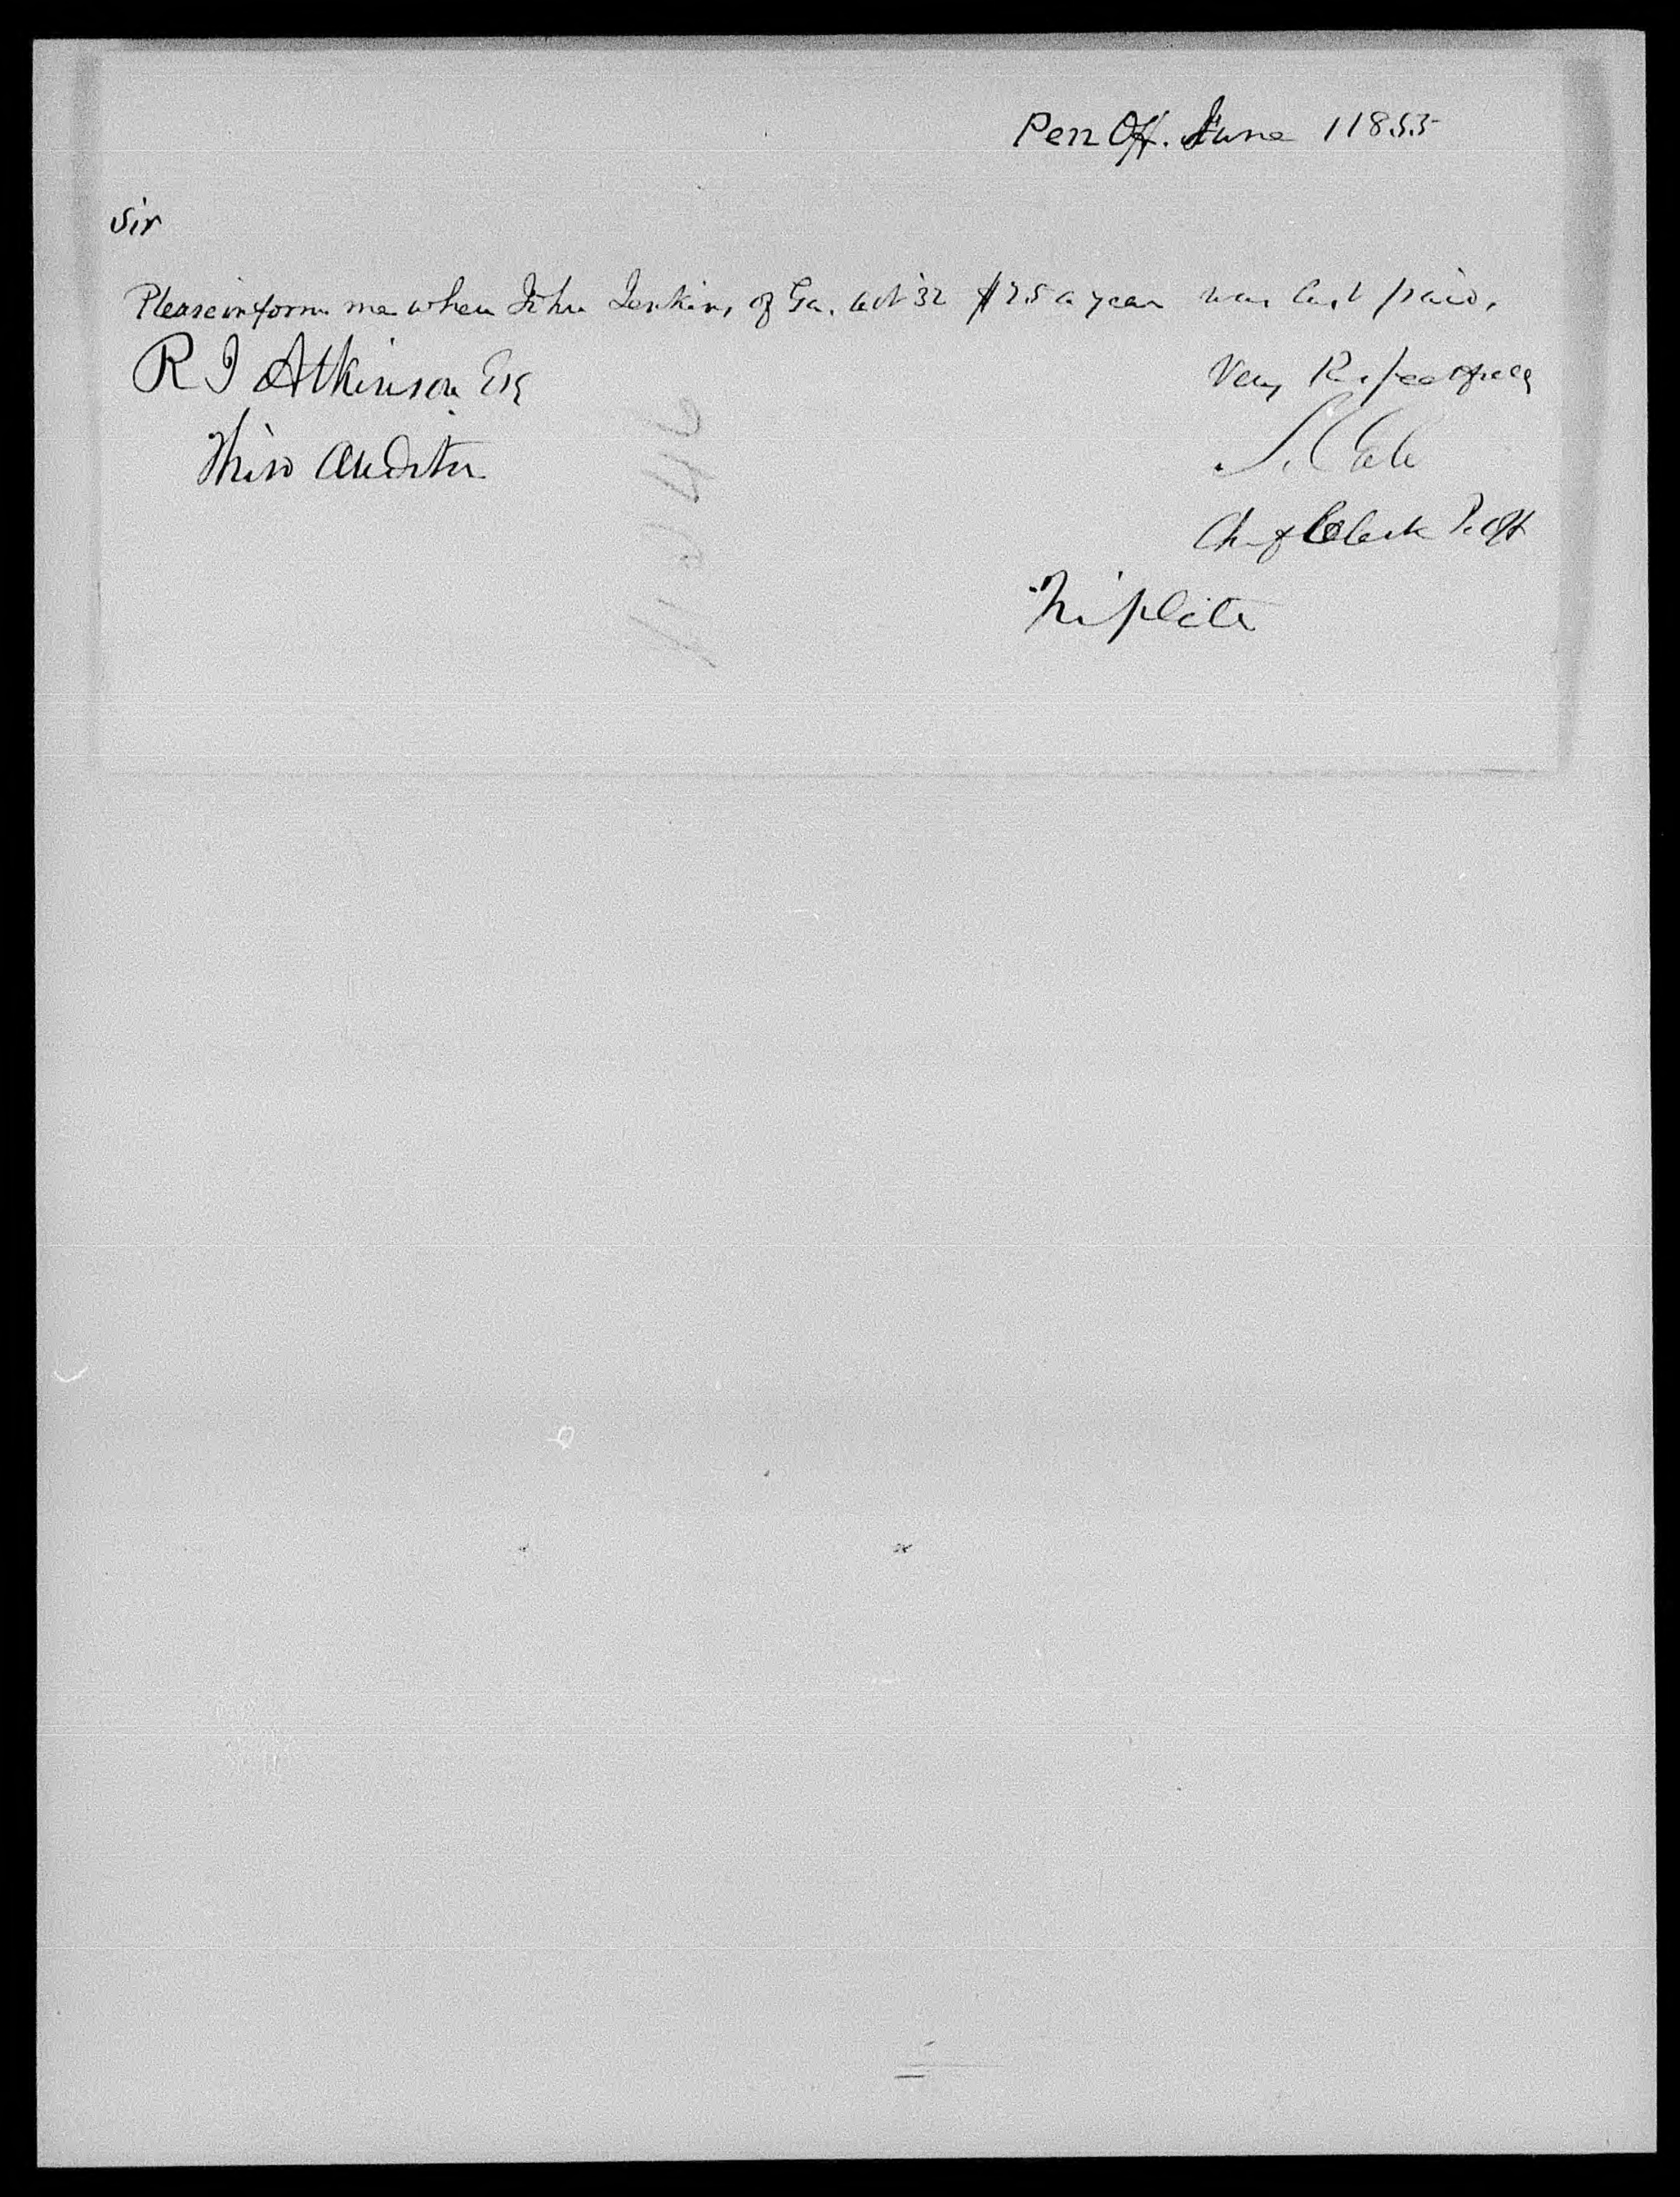Pen Off. June 1 1853
Sir Please inform me when John Jenkins of Ga. act '32 $25 a year was last paid.
Very Respectfully
[illegible[
Chief Clerk [illegible]
[illegible]
R J Atkinson Esq
Third Auditor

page: 29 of 55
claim: widow's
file: W. 7894, for John Jenkins, Virginia